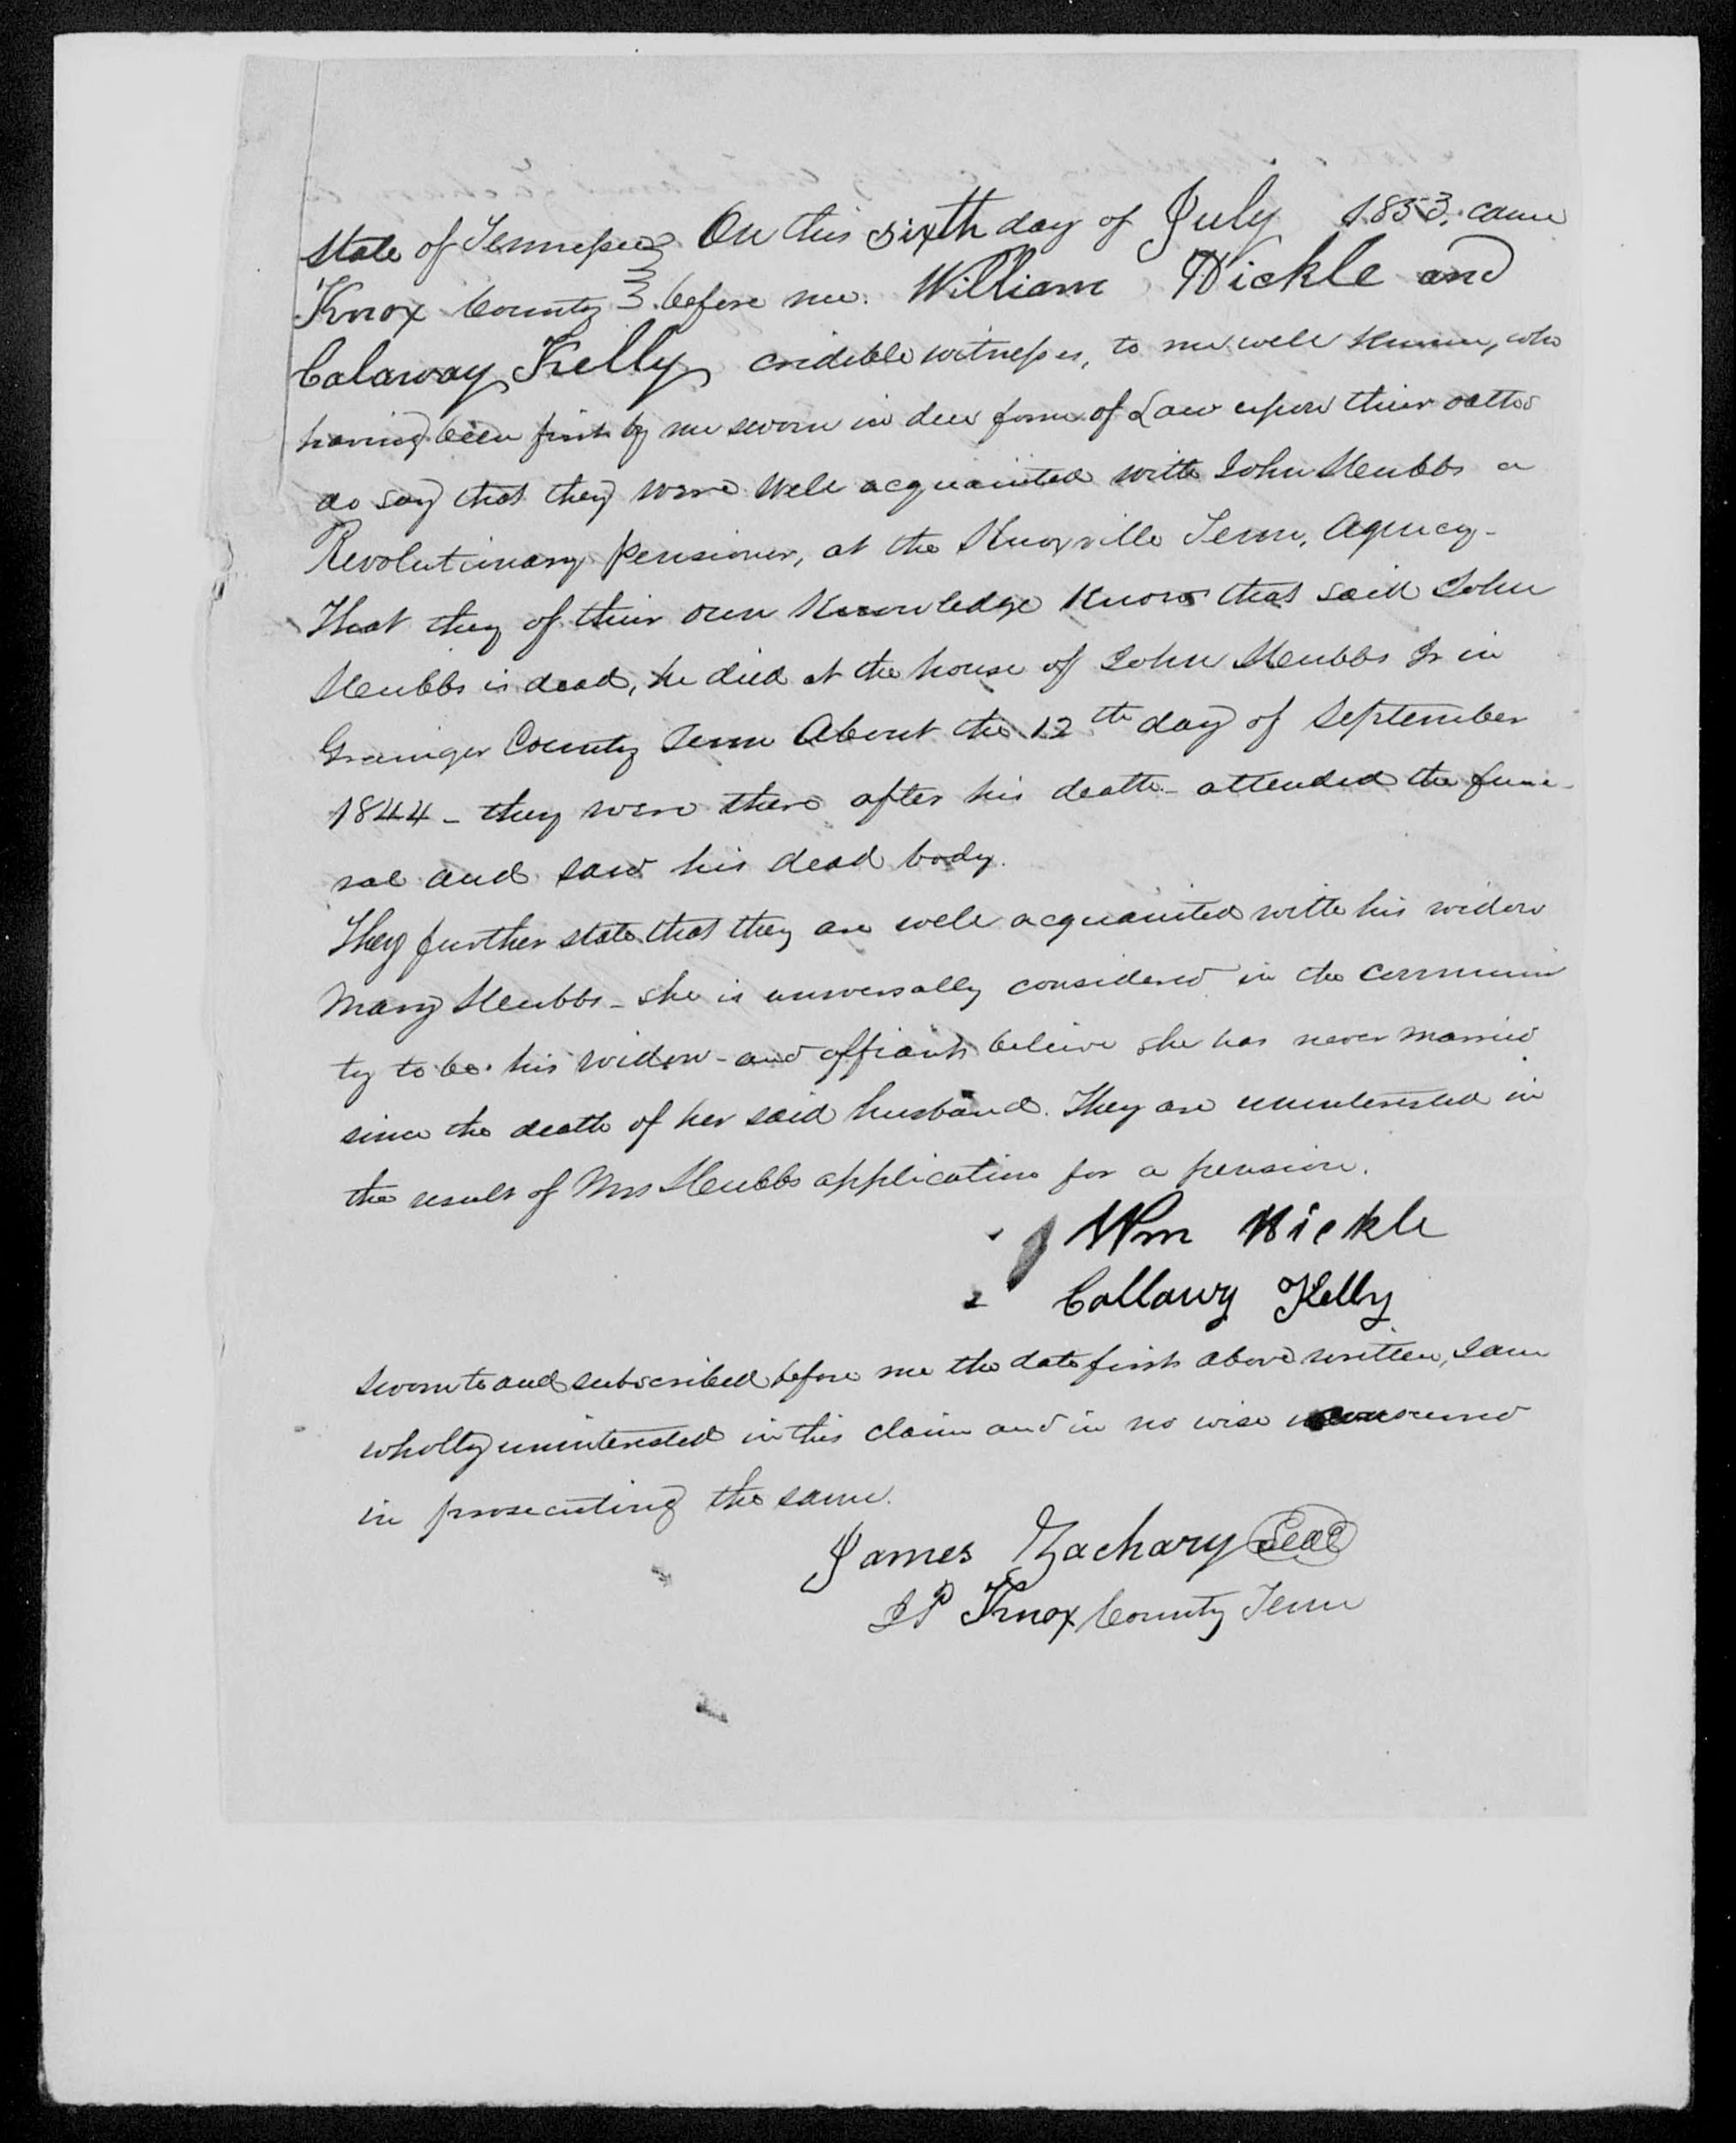State of Tennessee
Knox County
On this sixth day of July 1853; came before me William Hickle and Calaway Kelly credible witnesses, to me well known, who having been first by me sworn in due form of Law upon their oaths do say that they were well acquainted with John Hubbs a Revolutionary pensioner, at the Knoxville Tenn. Agency. That they of their own knowledge know that said John Hubbs is dead, he died at the house of John Hubbs Jr in Grainger County Tenn About the 12th day of September 1844 - - they were there after his death, attended the funeral and saw his dead body. They further state that they are well acquainted with his widow Mary Hubbs - she is universally considered in the community to be his widow, and affiants believe she has never married since the death of her said husband. They are uninterested in the result of Mrs. Hubbs application for a pension.
Wm Hickle
Callawy Kelly
Sworn to and subscribed before me the date first above written, I am wholly uninterested in this claim and in no wise concerned in prosecuting the same.
James Zachary (Seal)
J P Knox County Term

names: Mary Hubbs, Calaway Kelly, William Dickle, Kenney, John Hubbs, James Zachary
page: 13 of 86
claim: widow's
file: W. 1035, John Hubbs, S.C.